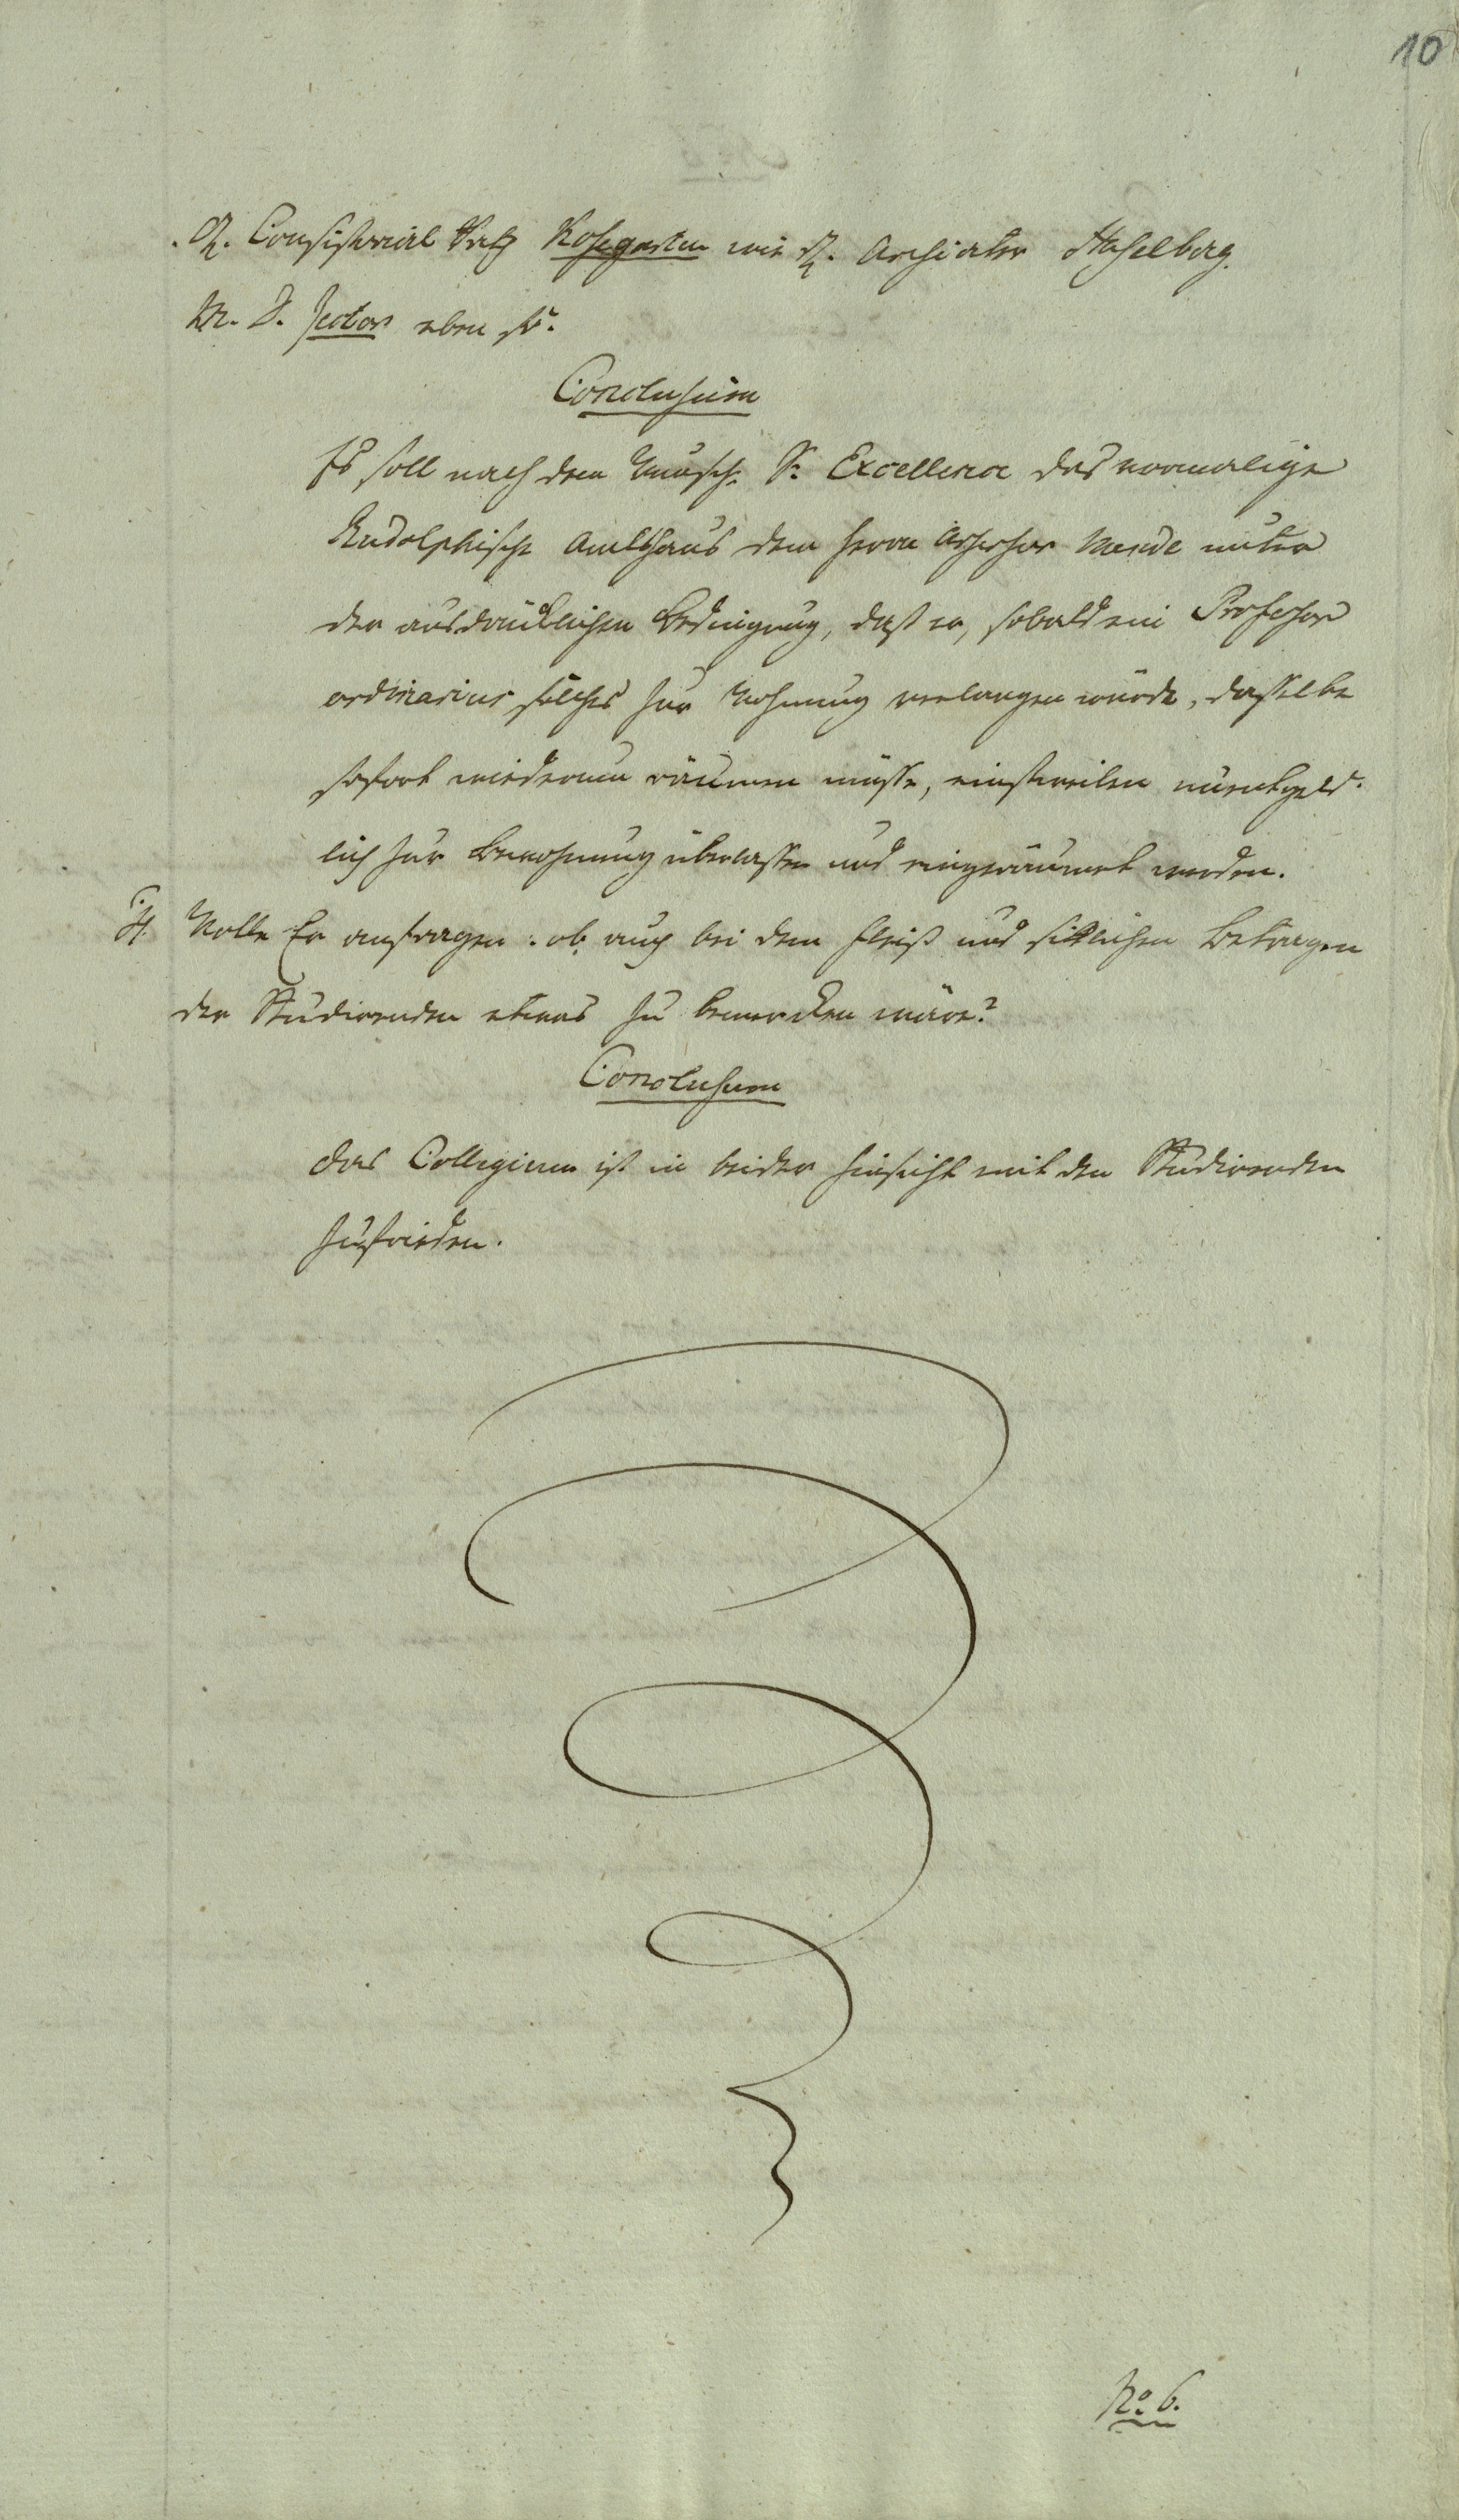dh. Consistorial Rath Kosegarten wie dh. Archiater Haselberg.
M. D. Rector eben so.
Conclusum
Es soll nach dem Wunsche Sr. Excellence das vormalige
Rudolpische Amtshaus dem herrn Archiater Mende unter
der ausdrücklichen Bedingung, daß er, sobald ein Professor
ordinarius solches zur Wohnung verlangen würde, dasselbe
sofort wiederum räumen müsse, einstweilen unentgeld¬
lich zur Bewohnung überlassen und eingeräumet werden.
4. Wolle Er anfragen, ob auch bei dem Fleiß und sittlichen Betragen
der Studirenden etwas zu bemercken wäre?
Conclusum
Das Collegium ist in beider hinsicht mit den Studirenden
zufrieden.
Nº 6.